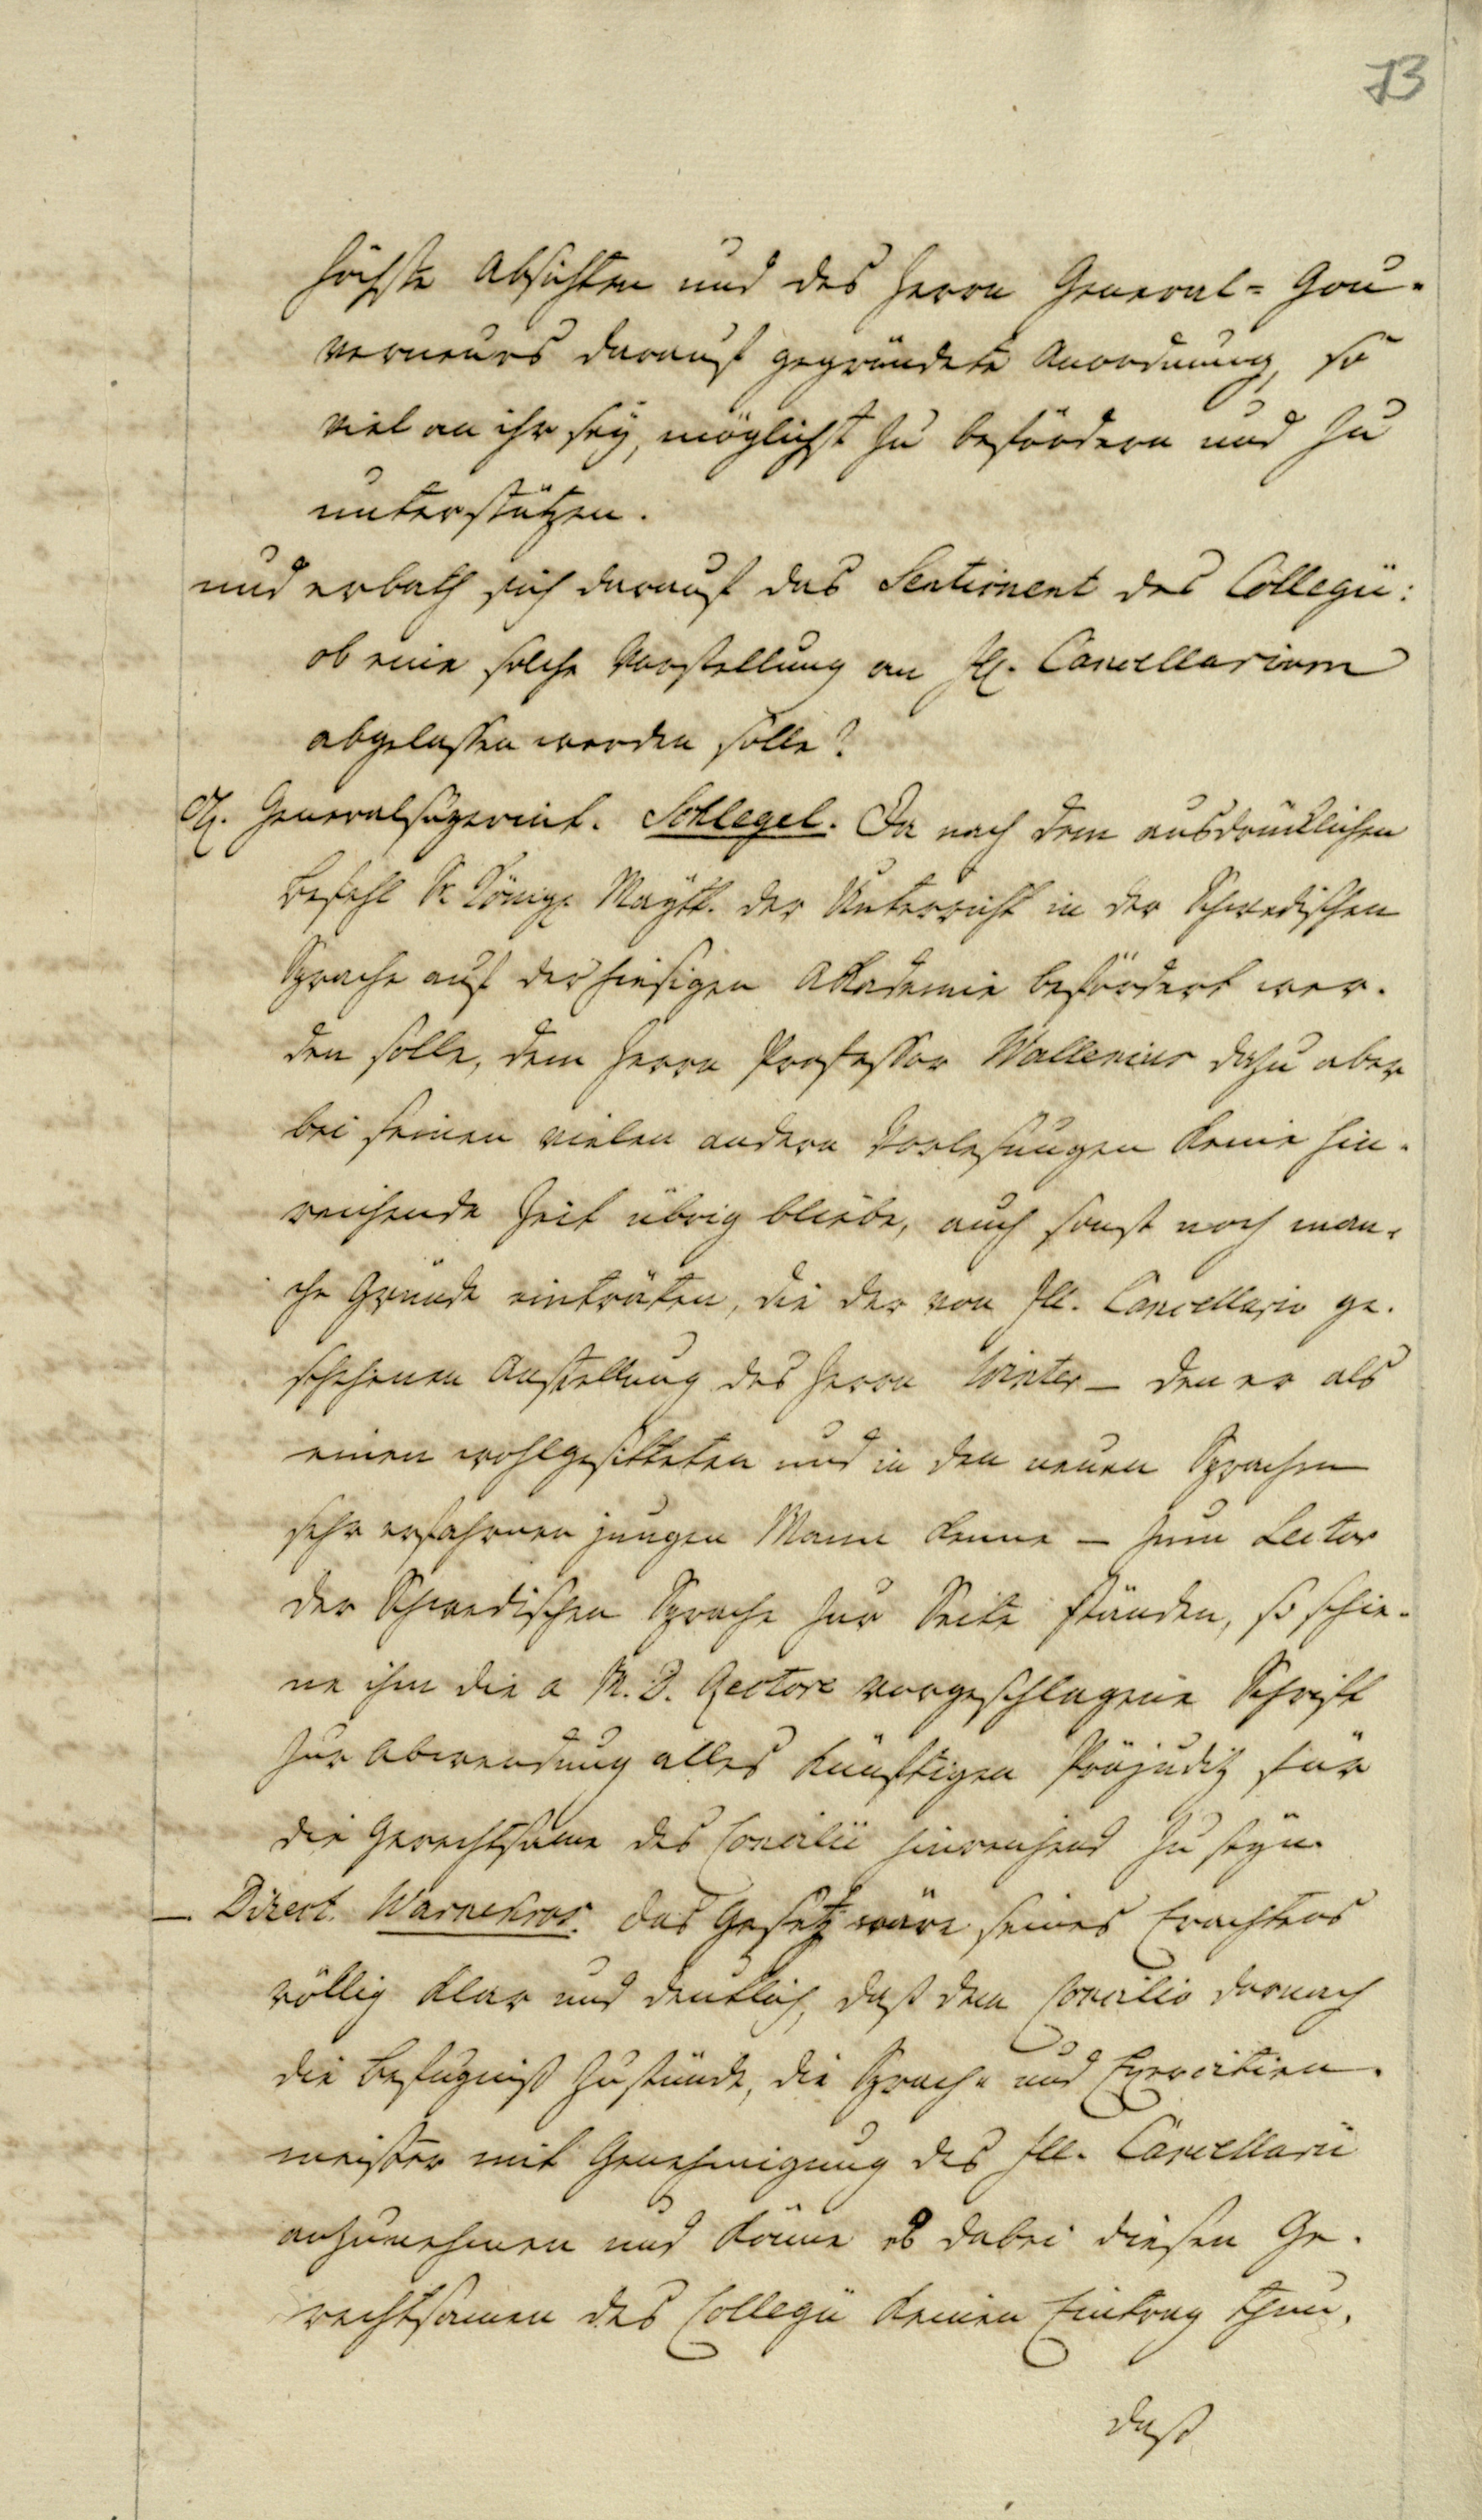höchste Absichten und des Herrn General- Gou¬
verneurs darauf gegründete Anordnung, so
viel an ihr seÿ, möglichst zu befördern und zu
unterstützen.
und erbath sich darauf das Sentiment des Collegii:
ob eine solche Vorstellung an Ill. Cancellarium
abgelassen werden solle?
dh. Generalsuperint. Schlegel. Da nach dem ausrücklichen
Befehl Sr Königl. Maÿtt. der Unterricht in der Schwedischen
Sprache auf der hiesigen Akademie befördert wer¬
den solle, dem Herrn Professor Wallenius dazu aber
bei seinen vielen andern Vorlesungen keine hin¬
reichende Zeit übrig bliebe, auch sonst noch man¬
che Gründe einträten, die der von Ill. Cancellario ge¬
schehenen Anstellung des Herrn Winter den er als
einen wohlgesitteten und in den neuen Sprachen
sehr erfahrnen jungen Mann kenne zum Lector
der Schwedischen Sprache zur Seite ständen, so schie¬
ne ihm die a M. D. Rectore vorgeschlagene Schrift
zur Abwendung aller künftigen Präjudiz für
die Gerechtsame des Concilii hinreichend zu seÿn.
Direct. Warnekros. Das Gesuch wäre seines Erachtens
völlig klar und deutlich, daß dem Concilio darnach
die Befugniß zustünde, die Sprach- und Exercitien¬
meister mit Genehmigung des Ill. Cancellarii
anzunehmen und könne es dabei diesen Ge¬
rechtsamen des Collegii keinen Eintrag thun,
daß